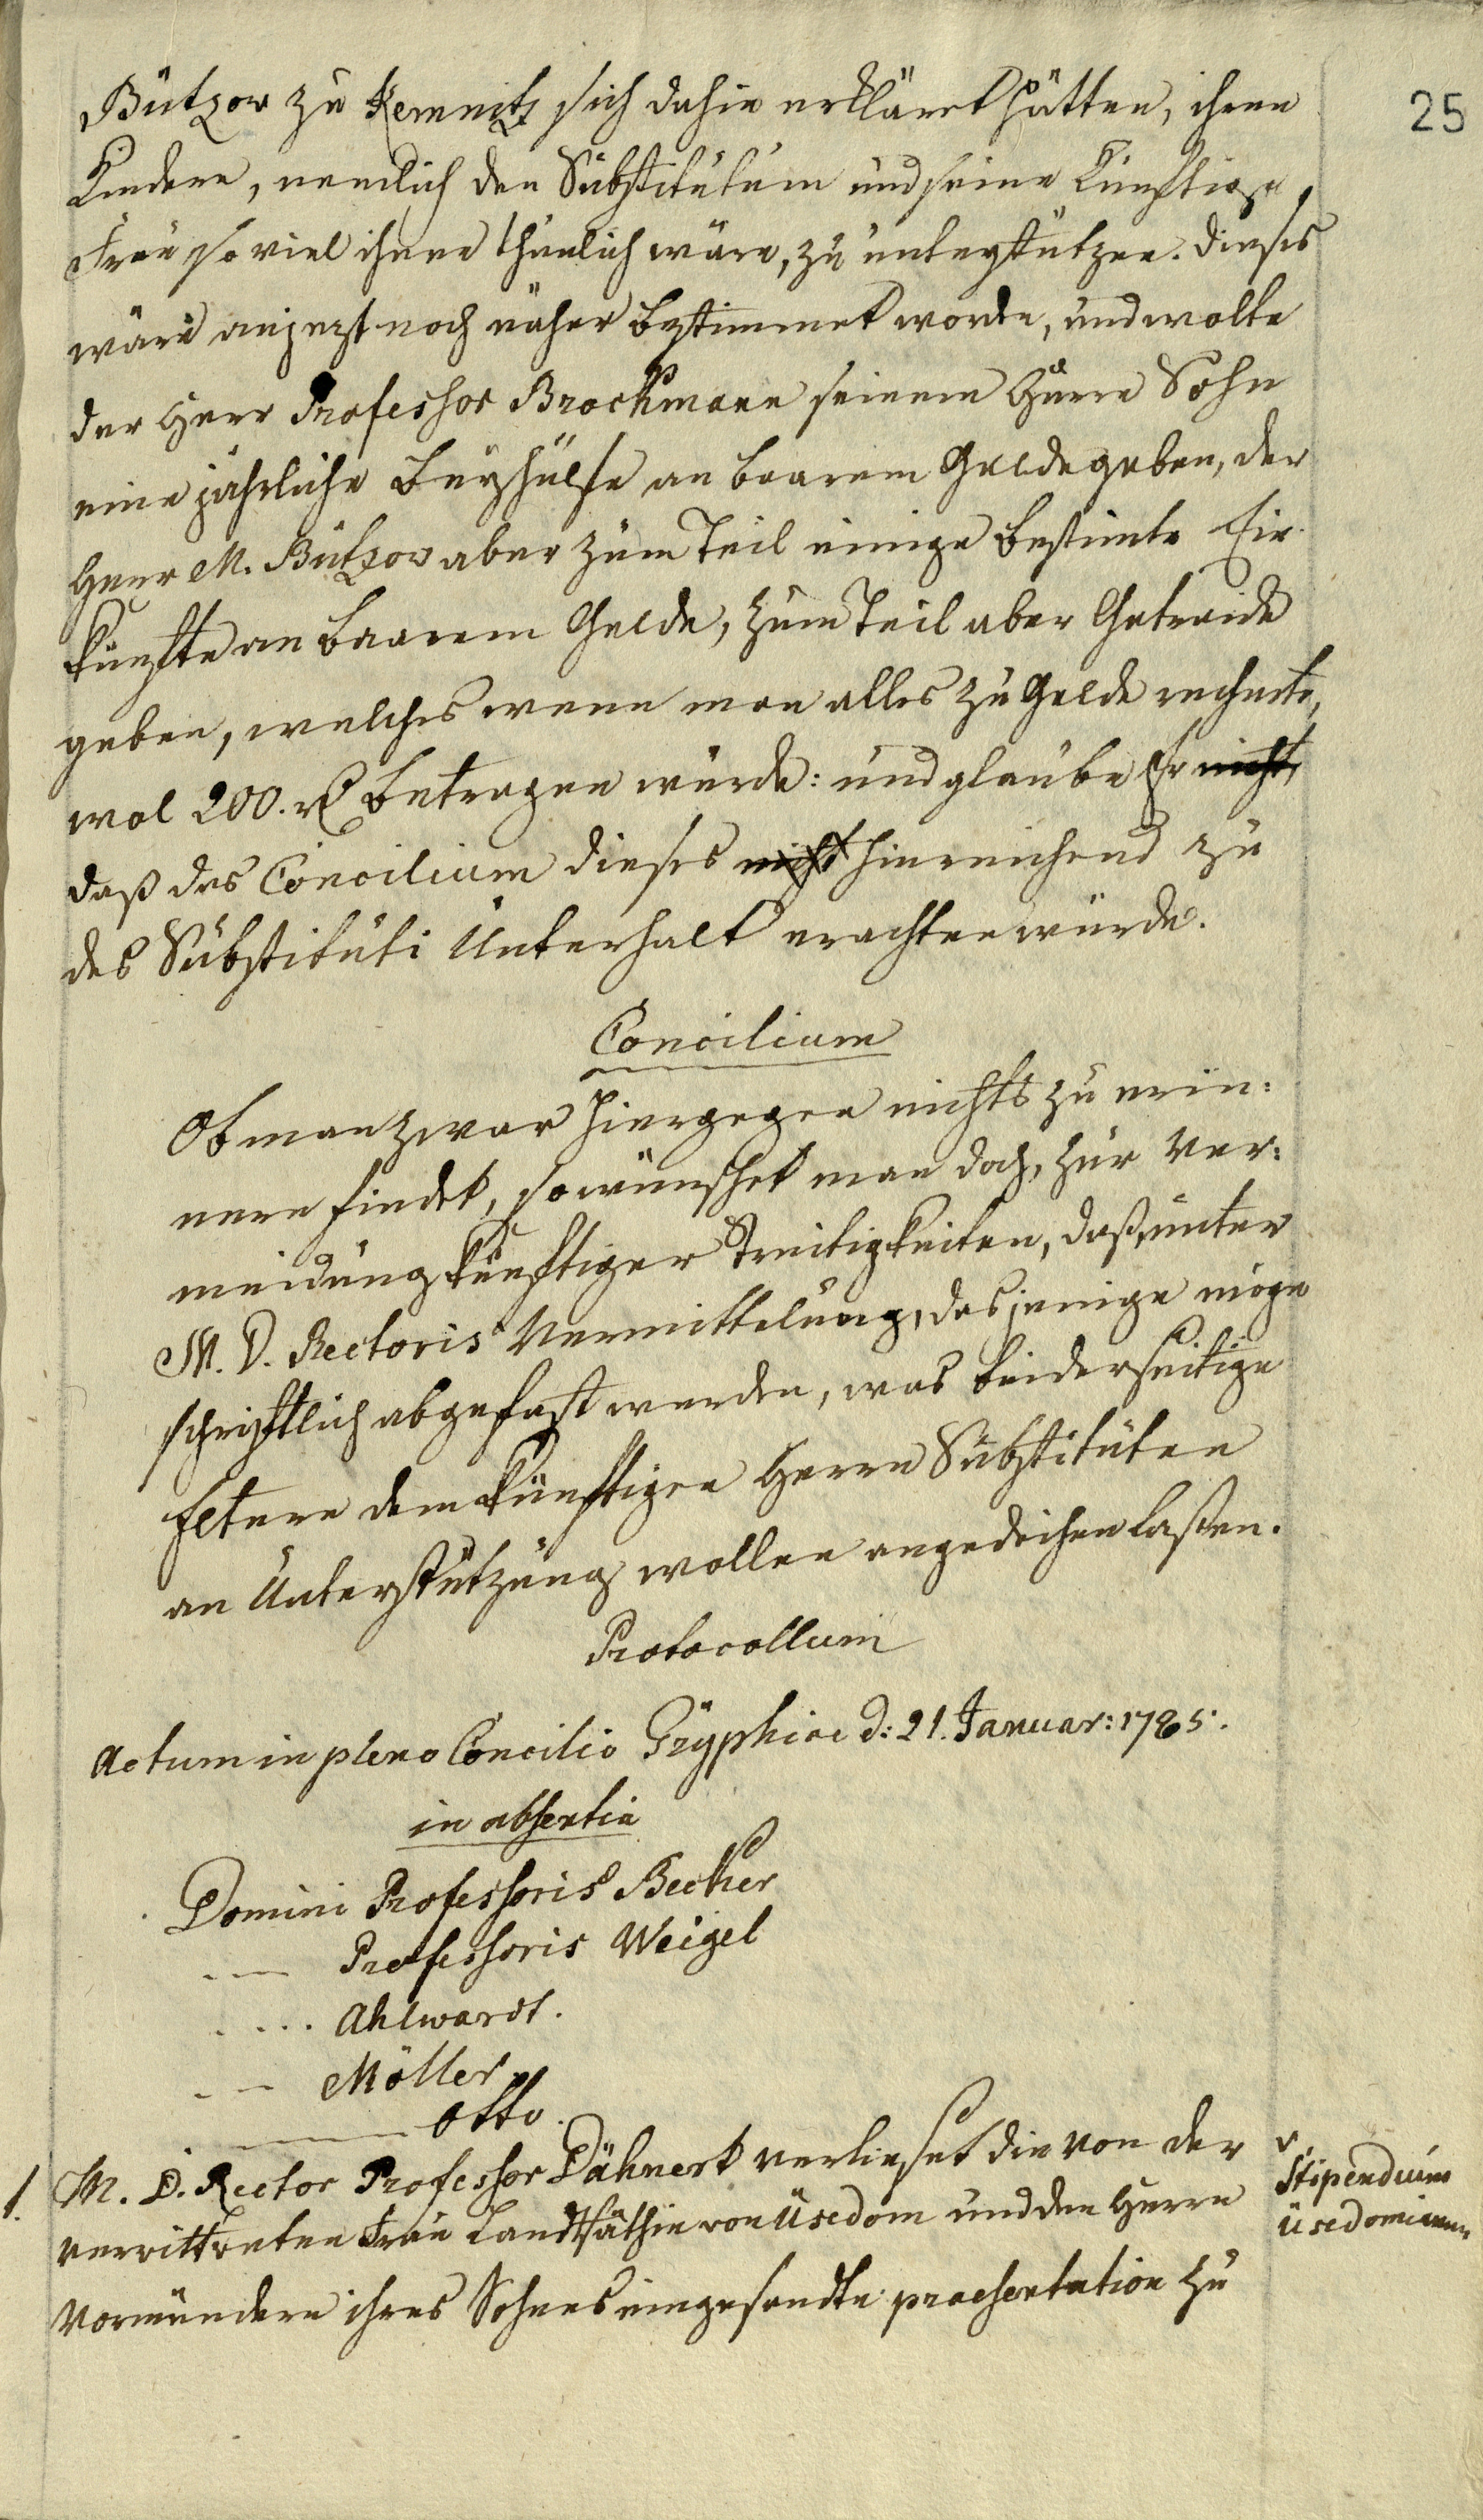Bützow zu Kemnitz sich dahin erkläret hätten, ihren
Kindern, nemlich den Substitutum und seine künftige
Frau so viel ihnen thunlich wäre, zu unterstützen. Dieses
wäre anjezt noch näher bestimmet worden, und wolte
der Herr Professor Brockmann seinem Herrn Sohn
eine jährliche Beÿhülfe an baarem Gelde geben, der
Herr M. Bützow aber zum Teil einige bestimte Ein¬
künfte an Baarem Gelde, zum Teil aber Getreide
geben, welches wenn man alles zu Gelde rechnete,
wol 200 rtl betragen würde: und glaube Er nicht
daß das Concilium dieses nicht hinreichend zu
des Substituti Unterhalt erachten würde.
Concilium
Ob man zwar hiergegen nichts zu erin¬
nern findet, so wünschet man doch, zur Ver¬
meidung künftiger Streitigkeiten, daß unter
M. D. Rectoris Vermittelung, das jenige möge
schriftlich abgefast werden, was beiderseitige
Eltern dem künftigen Herrn Substituten
an Unterstützung wollen angedeihen laßen.
Protocollum
Actum in pleno Concilio Grÿphiae d. 21. Januar: 1785.
in absentia
Domini Professoris Becker
Professoris Weigel
Ahlwardt.
Möller.
Otto.
1. M. D. Rector Professor Dähnert verlieset die von der
verwittweten Frau LandRäthin von Üsedom und den Herrn
Vormündern ihres Sohnes eingesandte praesentation zu